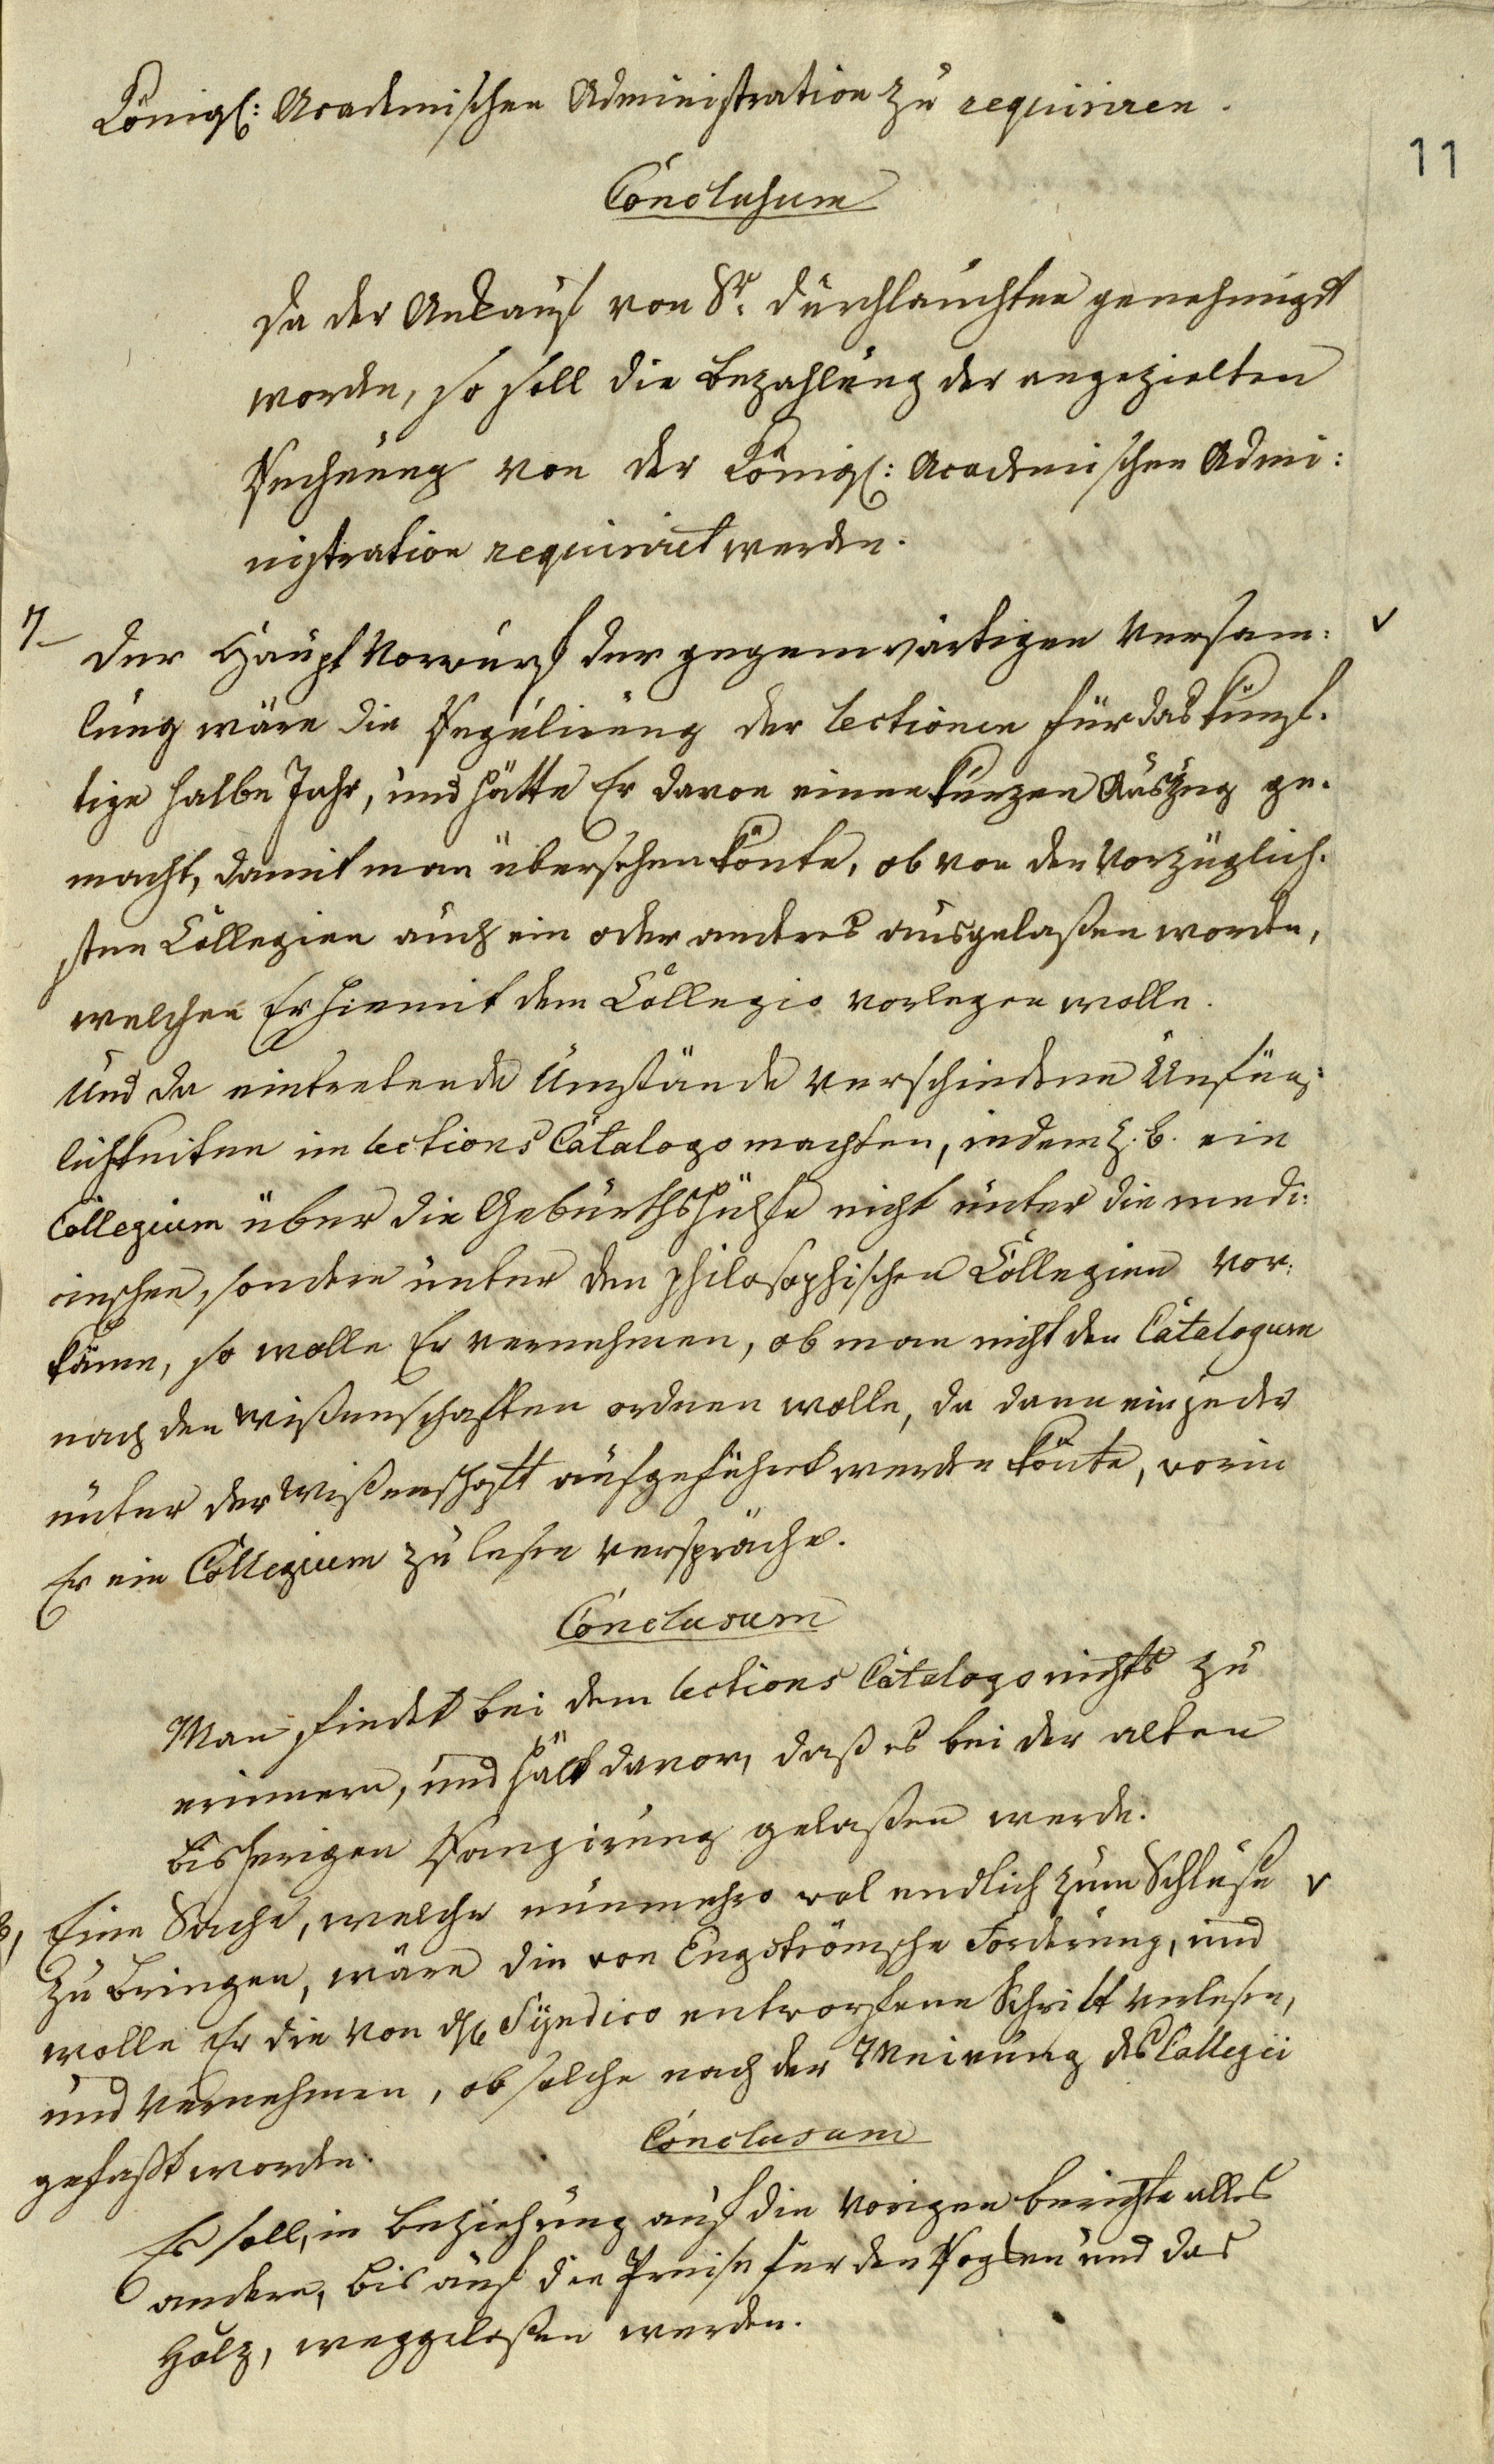Königl. Academischen Administration zu requiriren.
Conclusum
Da der Ankauf von Sr. Durchlauchten genehmiget
worden, so soll die Bezahlung der angezielten
Rechnung von der Königl. Academischen Admi¬
nistration requiriret werden.
7. Der Haupt Vorwurf der gegenwärtigen Versam¬
lung wäre die Regulirung der Lektionen für das künf¬
tige halbe Jahr, und hätte Er davon einen kurzen Auszug ge¬
macht, damit man übersehen könte, ob von den vorzüglich¬
sten Collegien auch ein oder anderes ausgelaßen worden,
welchen Er hiemit dem Collegio vorlegen wolle.
Und da eintretende Umstände verschiedene Unfüg¬
lichkeiten im lections Catalogo machten, indem z. B. ein
Collegium über die Geburthshülfe nicht unter die medi¬
cinischen, sondern unter den philosophischen Collegien vor¬
käme, so wolle Er vernehmen, ob man nicht den Catalogum
nach den Wissenschaften ordnen wolle, da dann ein jeder
unter der Wissenschaft aufgeführet werden könte, worin
Er ein Collegium zu lesen verspräche.
Conclusum
Man findet bei dem lections Catalogo nichts zu
erinnern, und hält davor, daß es bei der alten
bisherigen Rangirung gelaßen werde.
8. Eine Sache, welche nunmehro wol endlich zum Schluße
zu bringen, wäre die von Engströmsche Forderung, und
wolle Er die von dh Sÿndico entworfene Schrift verlesen,
und vernehmen, ob solche nach der Meinung des Collegii
gefaßt worden. Conclusum
Es soll, in Beziehug auf die vorigen Berichte alles
andere, bis auf die Preise für den Rogken und das
Holz, weggelaßen werden.